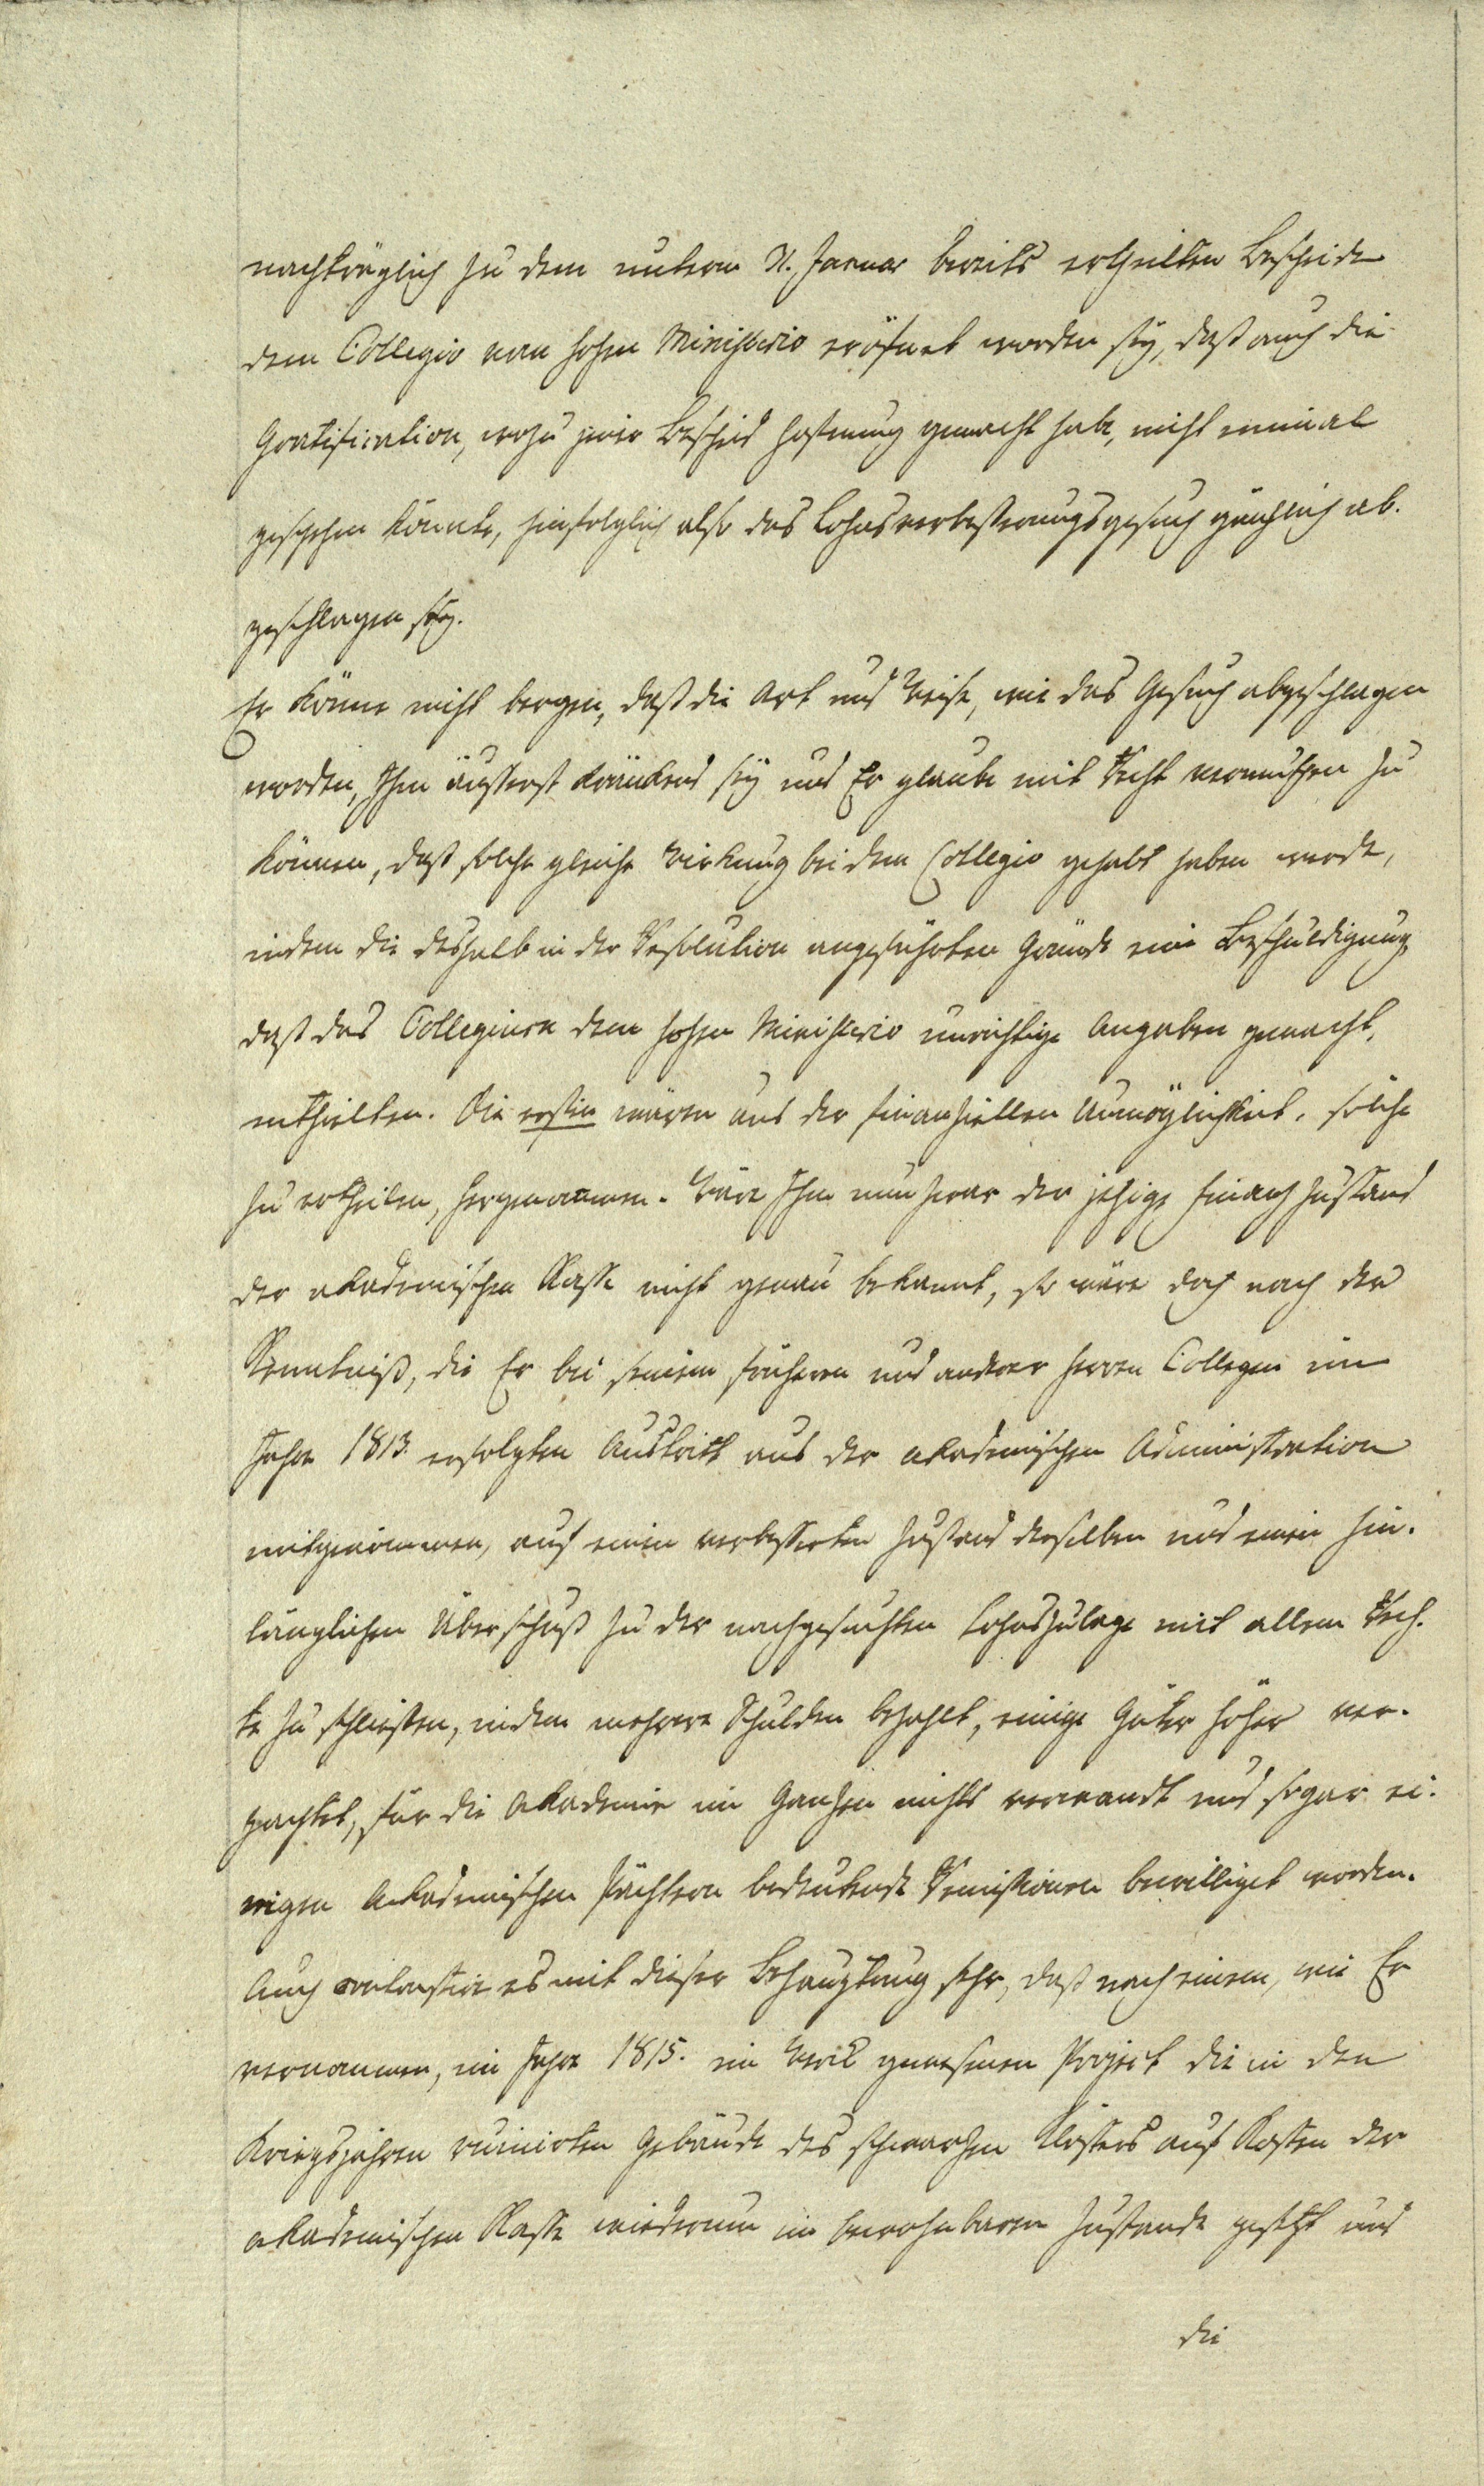nachträglich zu dem unterm 31. Januar bereits ertheilten Bescheide
dem Collegio vom hohen Ministerio eröfnet worden seÿ, daß auch die
Gratification, wozu jenir Bescheid Hofnung gemacht habe, nicht einmal
geschehen könnte, hinfolglich also das Lohnsverbesserungsgesuch gänzlich ab¬
geschlagen seÿ.
Er könne nicht bergen, daß die Art und Weise, wie das Gesuch abgeschlagen
worden, Ihm äusserst kränkend seÿ und Er glaube mit Recht vermuthen zu
können, daß solche gleiche Wirkung bei dem Collegio gehabt haben werde,
indem die deshalb in der Resolution angeführten Gründe eine Beschuldigung,
daß das Collegium dem hohen Ministerio unrichtige Angaben gemacht,
enthielten. Die ersten wären aus der finanziellen Unmöglichkeit, solche
zu ertheilen, hergenommen. Wäre Ihm nun zwar der jetzige Finanzzustand
der akademischen Kasse nicht genau bekannt, so wäre doch nach der
Kenntniß, die Er bei seinen früheren und anderer Herren Collegen im
Jahr 1813 erfolgten Austritt aus der akademischen Administration
mitgenömmen, auf einen verbesserten Zustand derselben und einen hin¬
länglichen Überschuß zu der nachgesuchten Lohnszulage mit allem Rech¬
te zu schließen, indem mehrere Schulden bezahlt, einige Güter höher ver¬
pachtet, für die Akademie im Ganzen nichts verwandt und sogar ei¬
nigen Akademischen Pächtern bedeutende Remissionen bewilliget worden.
Auch contrastire es mit dieser Behauptung sehr, daß nach einem, wie Er
vernommen, im Jahre 1815. im Werck gewesenen Project die in den
Kriegsjahren ruinirten Gebäude des schwarzen Klosters auf Kosten der
akademischen Kasse wiederum im bewohnbaren Zustande gesetzt und
die